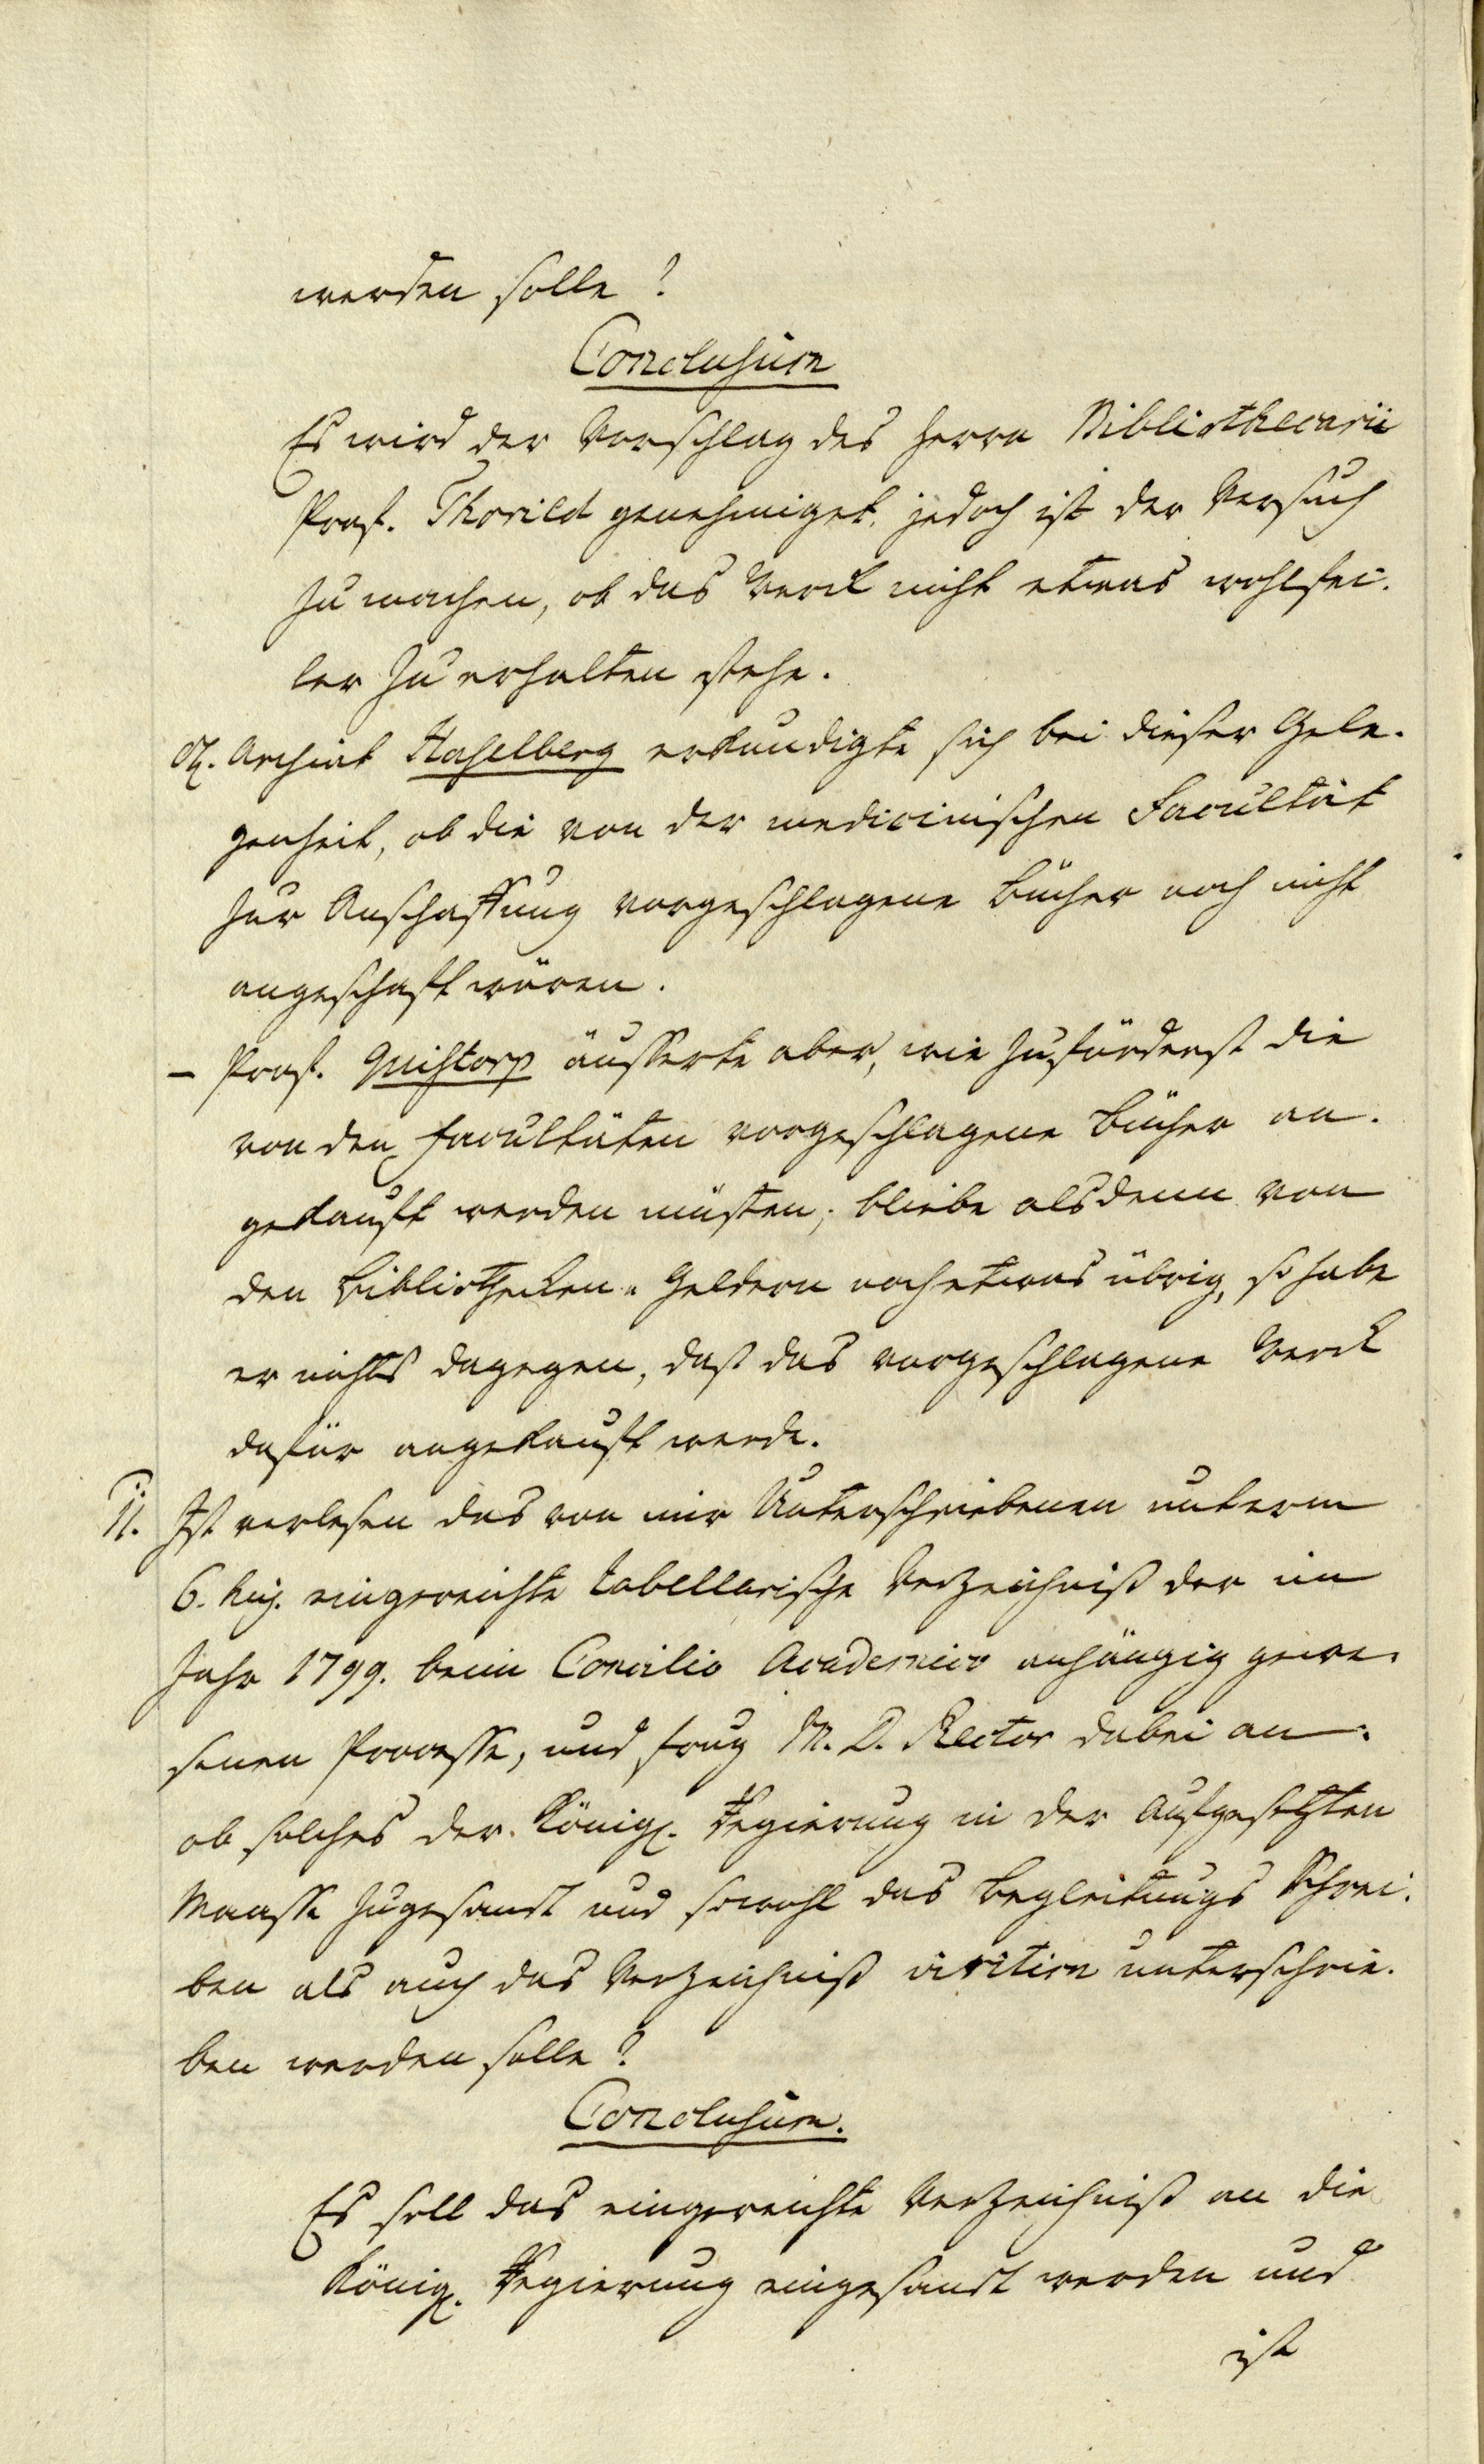werden solle?
Conclusum
Es wird der Vorschlag des Herrn Bibliothecarii
Prof. Thorild genehmiget, jedoch ist der Versuch
zu machen, ob das Werck nicht etwas wohlfei¬
ler zu erhalten stehe.
dh. Archiat. Haselberg erkundigte sich bei dieser Gele¬
genheit, ob die von der medicinischen Facultät
zur Anschaffung vorgeschlagene Bücher noch nicht
angeschaft wären.
Prof. Quistorp äusserte aber, wie zuförderst die
von den Facultäten vorgeschlagene Bücher an¬
gekauft werden müßten; bliebe alsdenn von
den Bibliothecken- Geldern nochetwas übrig, so habe
er nichts dagegen, daß das vorgeschlagene Werck
dafür angekauft werde.
11. Ist verlesen das von nur Unterschiebenen unterm
6. huj. eingereichte tabellarische Verzeichnis der im
Jahr 1799. beim Concilio Academico anhängig gewe¬
senen Processe, und frug M. D. Rector dabei an:
ob solches der Königl. Regierung in der aufgesetzten
Maasse zugesandt und sowohl das Begleitungs Schrei¬
ben als auch das Verzeichnis viritim unterschrie¬
ben werden solle?
Conclusum.
Es soll das eingereichte Verzeichnis an die
Königl. Regierung eingesandt werden und
ist